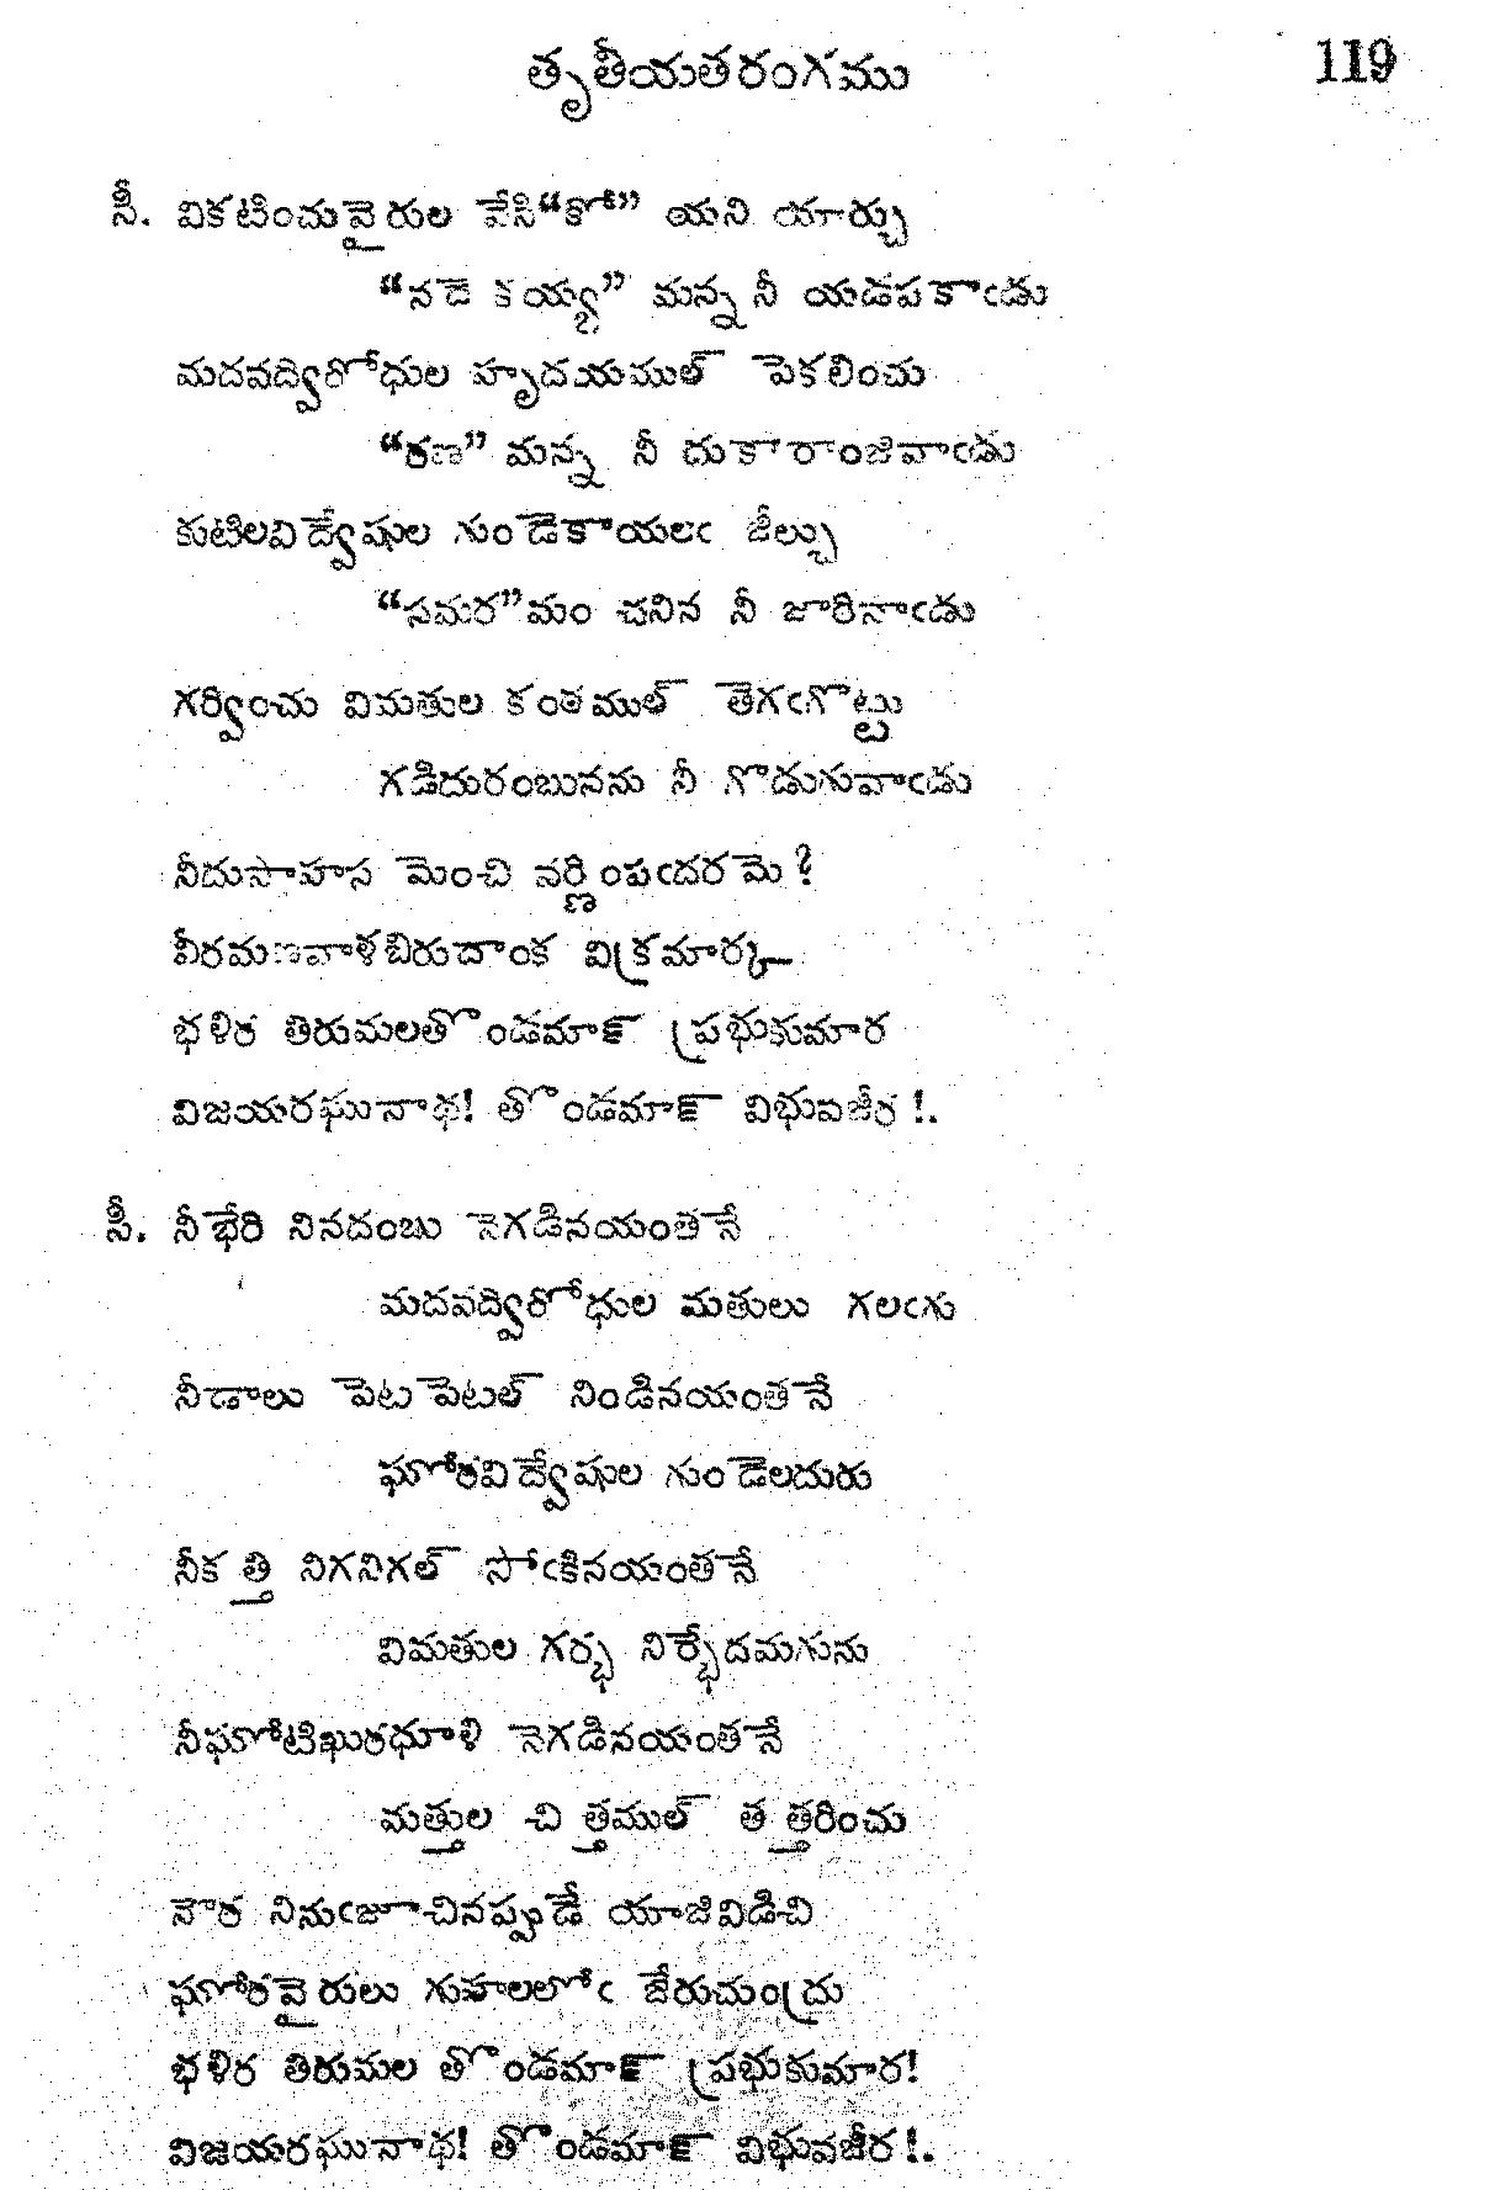సీ. వికటించువైరులవేసి”కో” యని యార్చు
 “నదె కయ్య” మన్న నీ యడపకాఁడు
 మదవద్విరోధుల హదయముల్ పెకలించు
 “రణ”మన్న నీ దుకారాంజివాఁడు
 కుటిలవిద్వేషుల గుండెకాయలఁ జీల్చు
 “సమర”మం చనిన నీ జారినాఁడు
 గర్వించు విమతుల కంఠముల్ తెగఁగొట్టు
 గడిదురంబునను నీ గొడుగువాఁడు
 నీదుసాహస మెంచి వర్ణింపఁదరమె?
 వీరమణవాళబిరుదాంక విక్రమార్క
 భళిర! తిరుతొండమాన్ ప్రభుకుమార!
 విజయరఘునాథ! తొండమాన్ విభువజీర.

సీ. నీభేరి నినదంబు నెగడినయంతనే
 మదవద్విరోధుల మతులు గలఁగు
 నీడాలు పెటపెటల్ నిండినయంతనే
 ఘోరవిద్వేషుల గుండె లదురు
 నీకత్తి నిగనిగల్ సోఁకినయంతనే
 విమతుల గర్భనిర్భేద మగును
 నీఘోటిఖురధూళి నెగడినయంతనే
 మత్తుల చిత్తముల్ తత్తరించు
 నౌర నినుఁ జూచినప్పుడె యాజి విడిచి
 ఘోరవైరులు గుహలలోఁ జేరుచుంద్రు
 భళిర! తిరుతొండమాన్ ప్రభుకుమార!
 విజయరఘునాథ! తొండమాన్ విభువజీర.